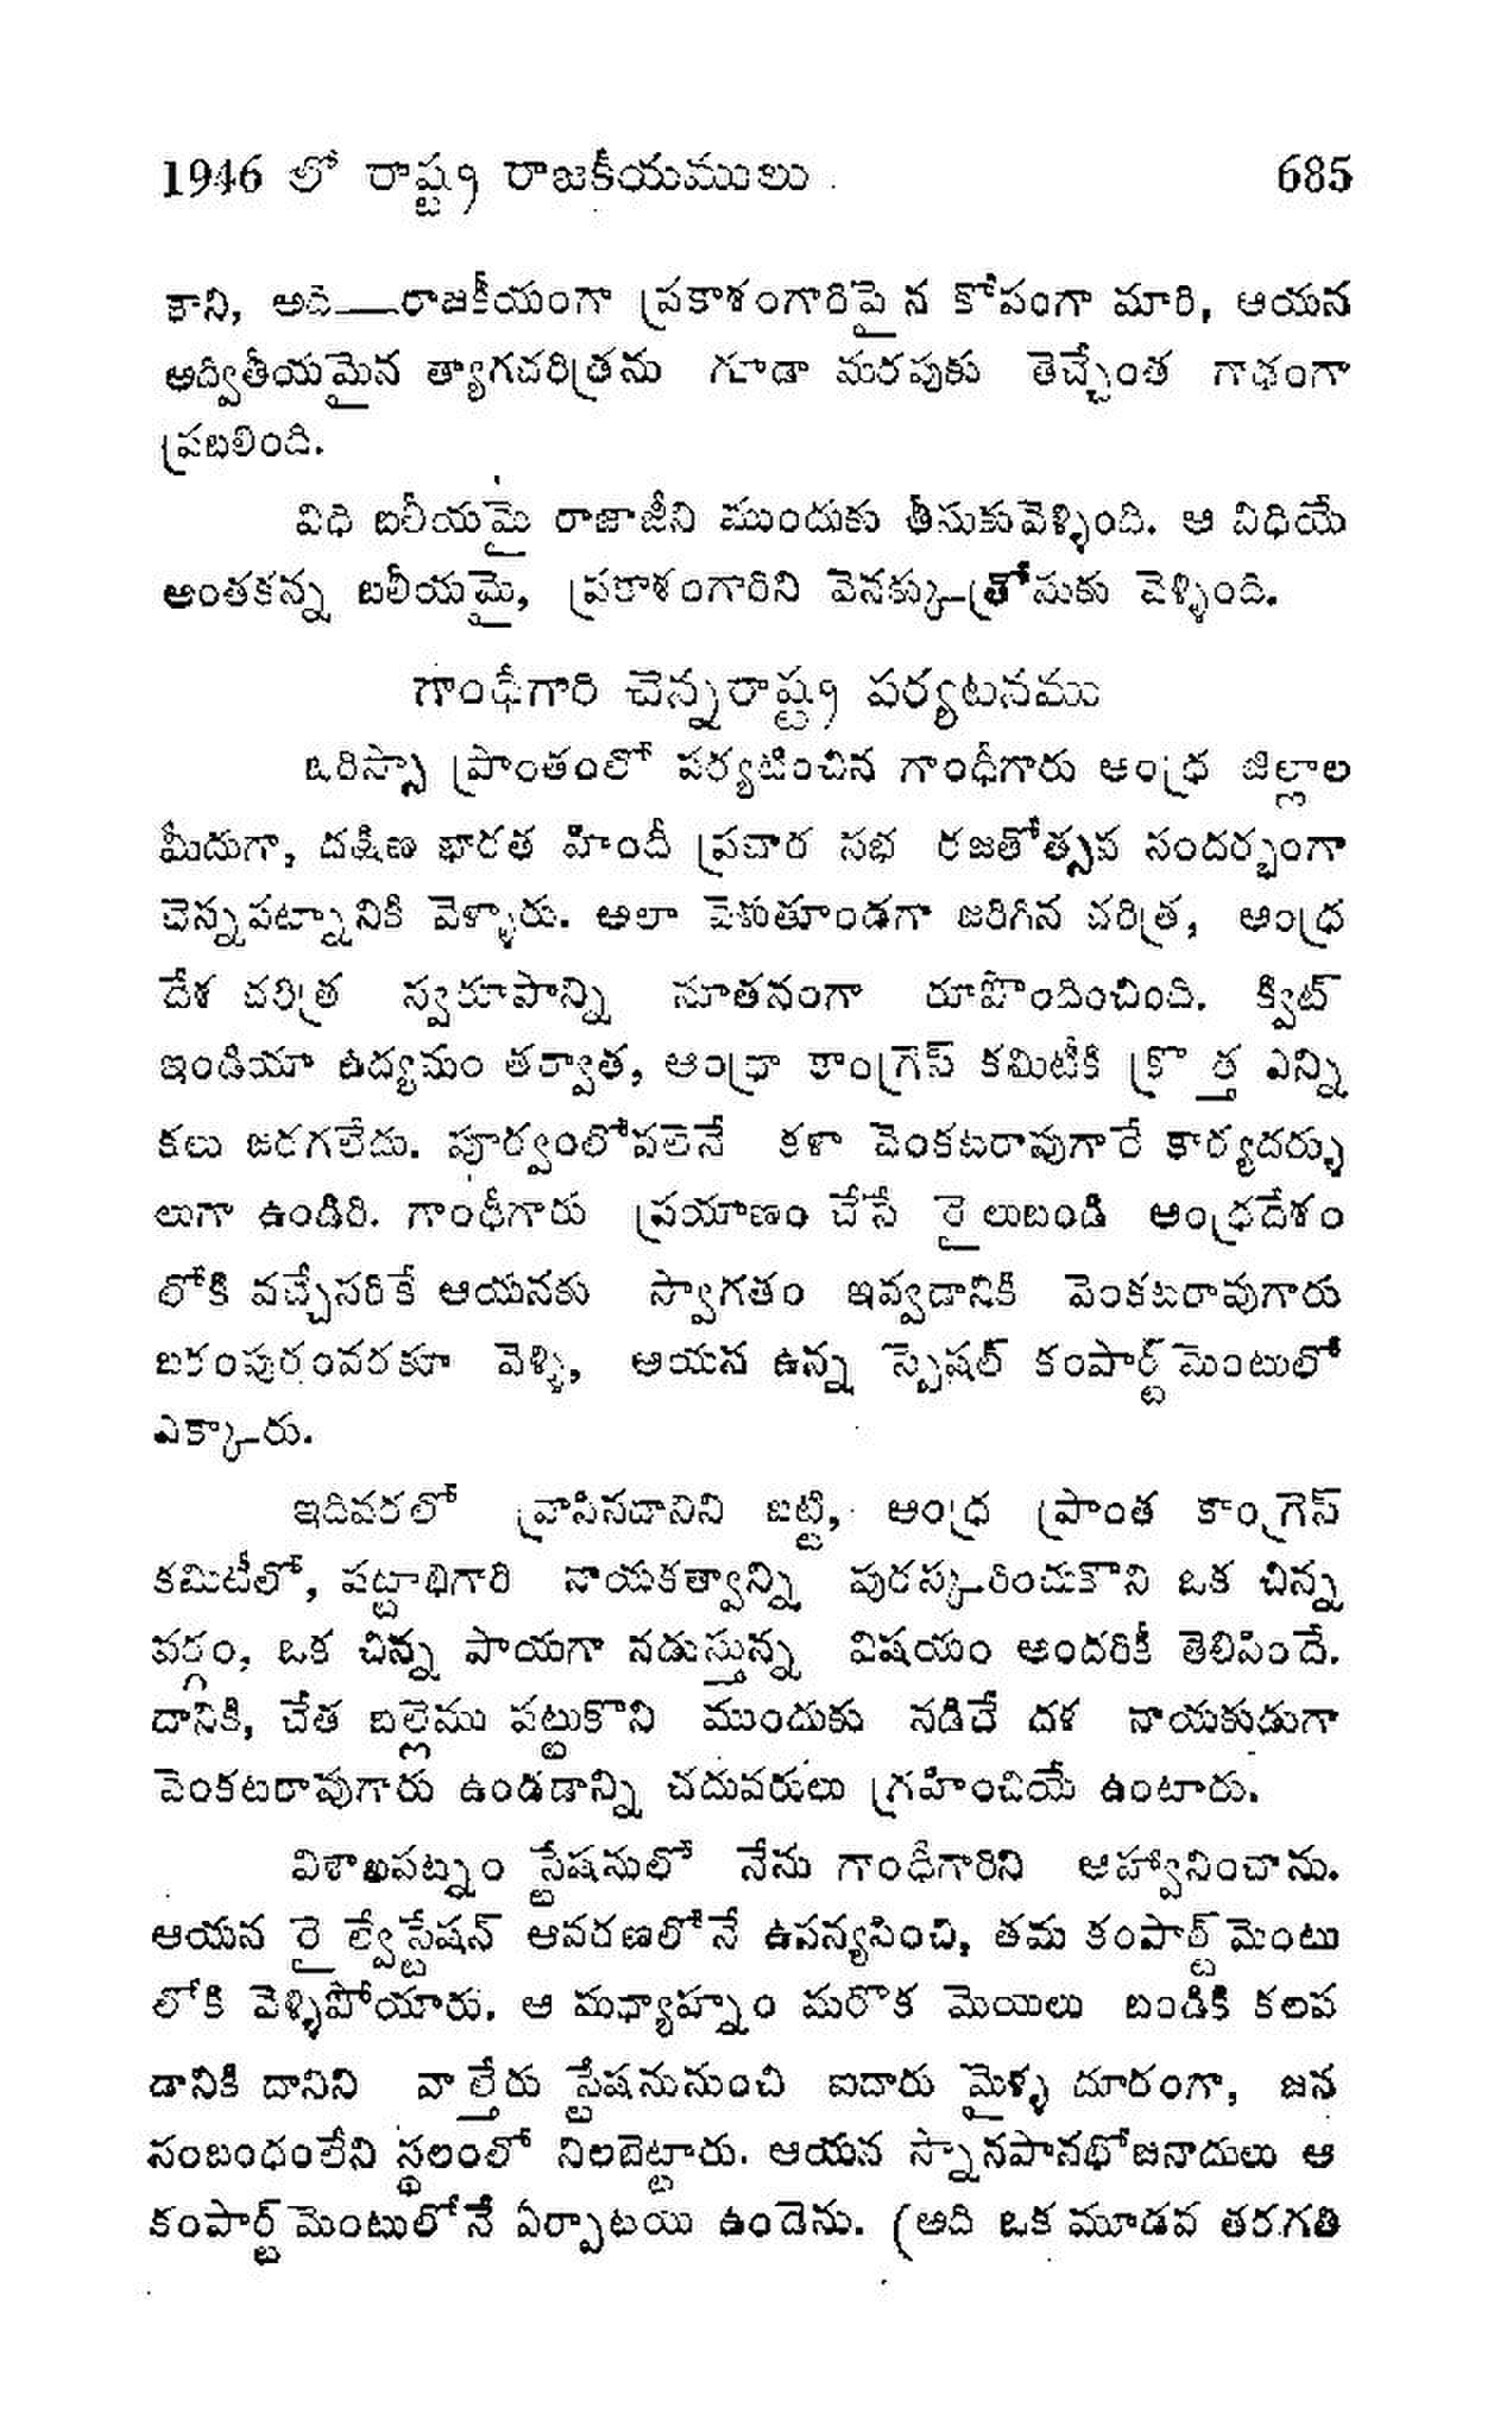కాని, అది - రాజకీయంగా ప్రకాశంగారిపైన కోపంగా మారి, ఆయన అద్వితీయమైన త్యాగచరిత్రను గూడా మరపుకు తెచ్చేంత గాఢంగా ప్రబలింది.

విధి బలీయమై రాజాజీని ముందుకు తీసుకువెళ్ళింది. ఆ విధియే అంతకన్న బలీయమై, ప్రకాశంగారిని వెనక్కుత్రోసుకు వెళ్ళింది.

ఒరిస్సా ప్రాంతంలో పర్యటించిన గాంధీగారు ఆంధ్ర జిల్లాల మీదుగా, దక్షిణ భారత హిందీ ప్రచార సభ రజతోత్సవ సందర్భంగా చెన్నపట్నానికి వెళ్ళారు. అలా వెళుతూండగా జరిగిన చరిత్ర, ఆంధ్రదేశ చరిత్ర స్వరూపాన్ని నూతనంగా రూపొందించింది, క్విట్ ఇండియా ఉద్యమం తర్వాత, ఆంధ్రా కాంగ్రెస్ కమిటీకి క్రొత్త ఎన్నికలు జరగలేదు. పూర్వంలోవలెనే కళా వెంకటరావుగారే కార్యదర్శులుగా ఉండిరి. గాంధీగారు ప్రయాణం చేసే రైలుబండి ఆంధ్రదేశంలోకి వచ్చేసరికి ఆయనకు స్వాగతం ఇవ్వడానికి వెంకటరావుగారు బరంపురంవరకూ వెళ్ళి, ఆయన ఉన్న స్పెషల్ కంపార్ట్‌మెంటులో ఎక్కారు.

ఇదివరలో వ్రాసినదానిని బట్టి, ఆంధ్ర ప్రాంత కాంగ్రెస్ కమిటీలో, పట్టాభిగారి నాయకత్వాన్ని పురస్కరించుకొని ఒక చిన్న వర్గం, ఒక చిన్న పాయగా నడుస్తున్న విషయం అందరికీ తెలిసిందే. దానికి, చేత బల్లెము పట్టుకొని ముందుకు నడచే దళ నాయకుడిగా వెంకటరావు గారు ఉండడాన్ని చదువరులు గ్రహించియే ఉంటారు.

విశాఖపట్నం స్టేషనులో నేను గాంధీగారిని ఆహ్వానించాను. ఆయన రైల్వేస్టేషన్ ఆవరణలోనే ఉపన్యసించి, తమ కంపార్ట్‌మెంటులోకి వెళ్ళిపోయారు. ఆ మధ్యాహ్నం మరొక మెయిలు బండికి కలపడానికి దానిని వాల్తేరు స్టేషనునుంచి ఐదారు మైళ్ళ దూరంగా, జన సంబంధంలేని స్థలంలో నిలబెట్టారు. ఆయన స్నానపానభోజనాదులు ఆ కంపార్ట్‌మెంటులోనే ఏర్పాటయి ఉండెను. (అది ఒక మూడవ తరగతి